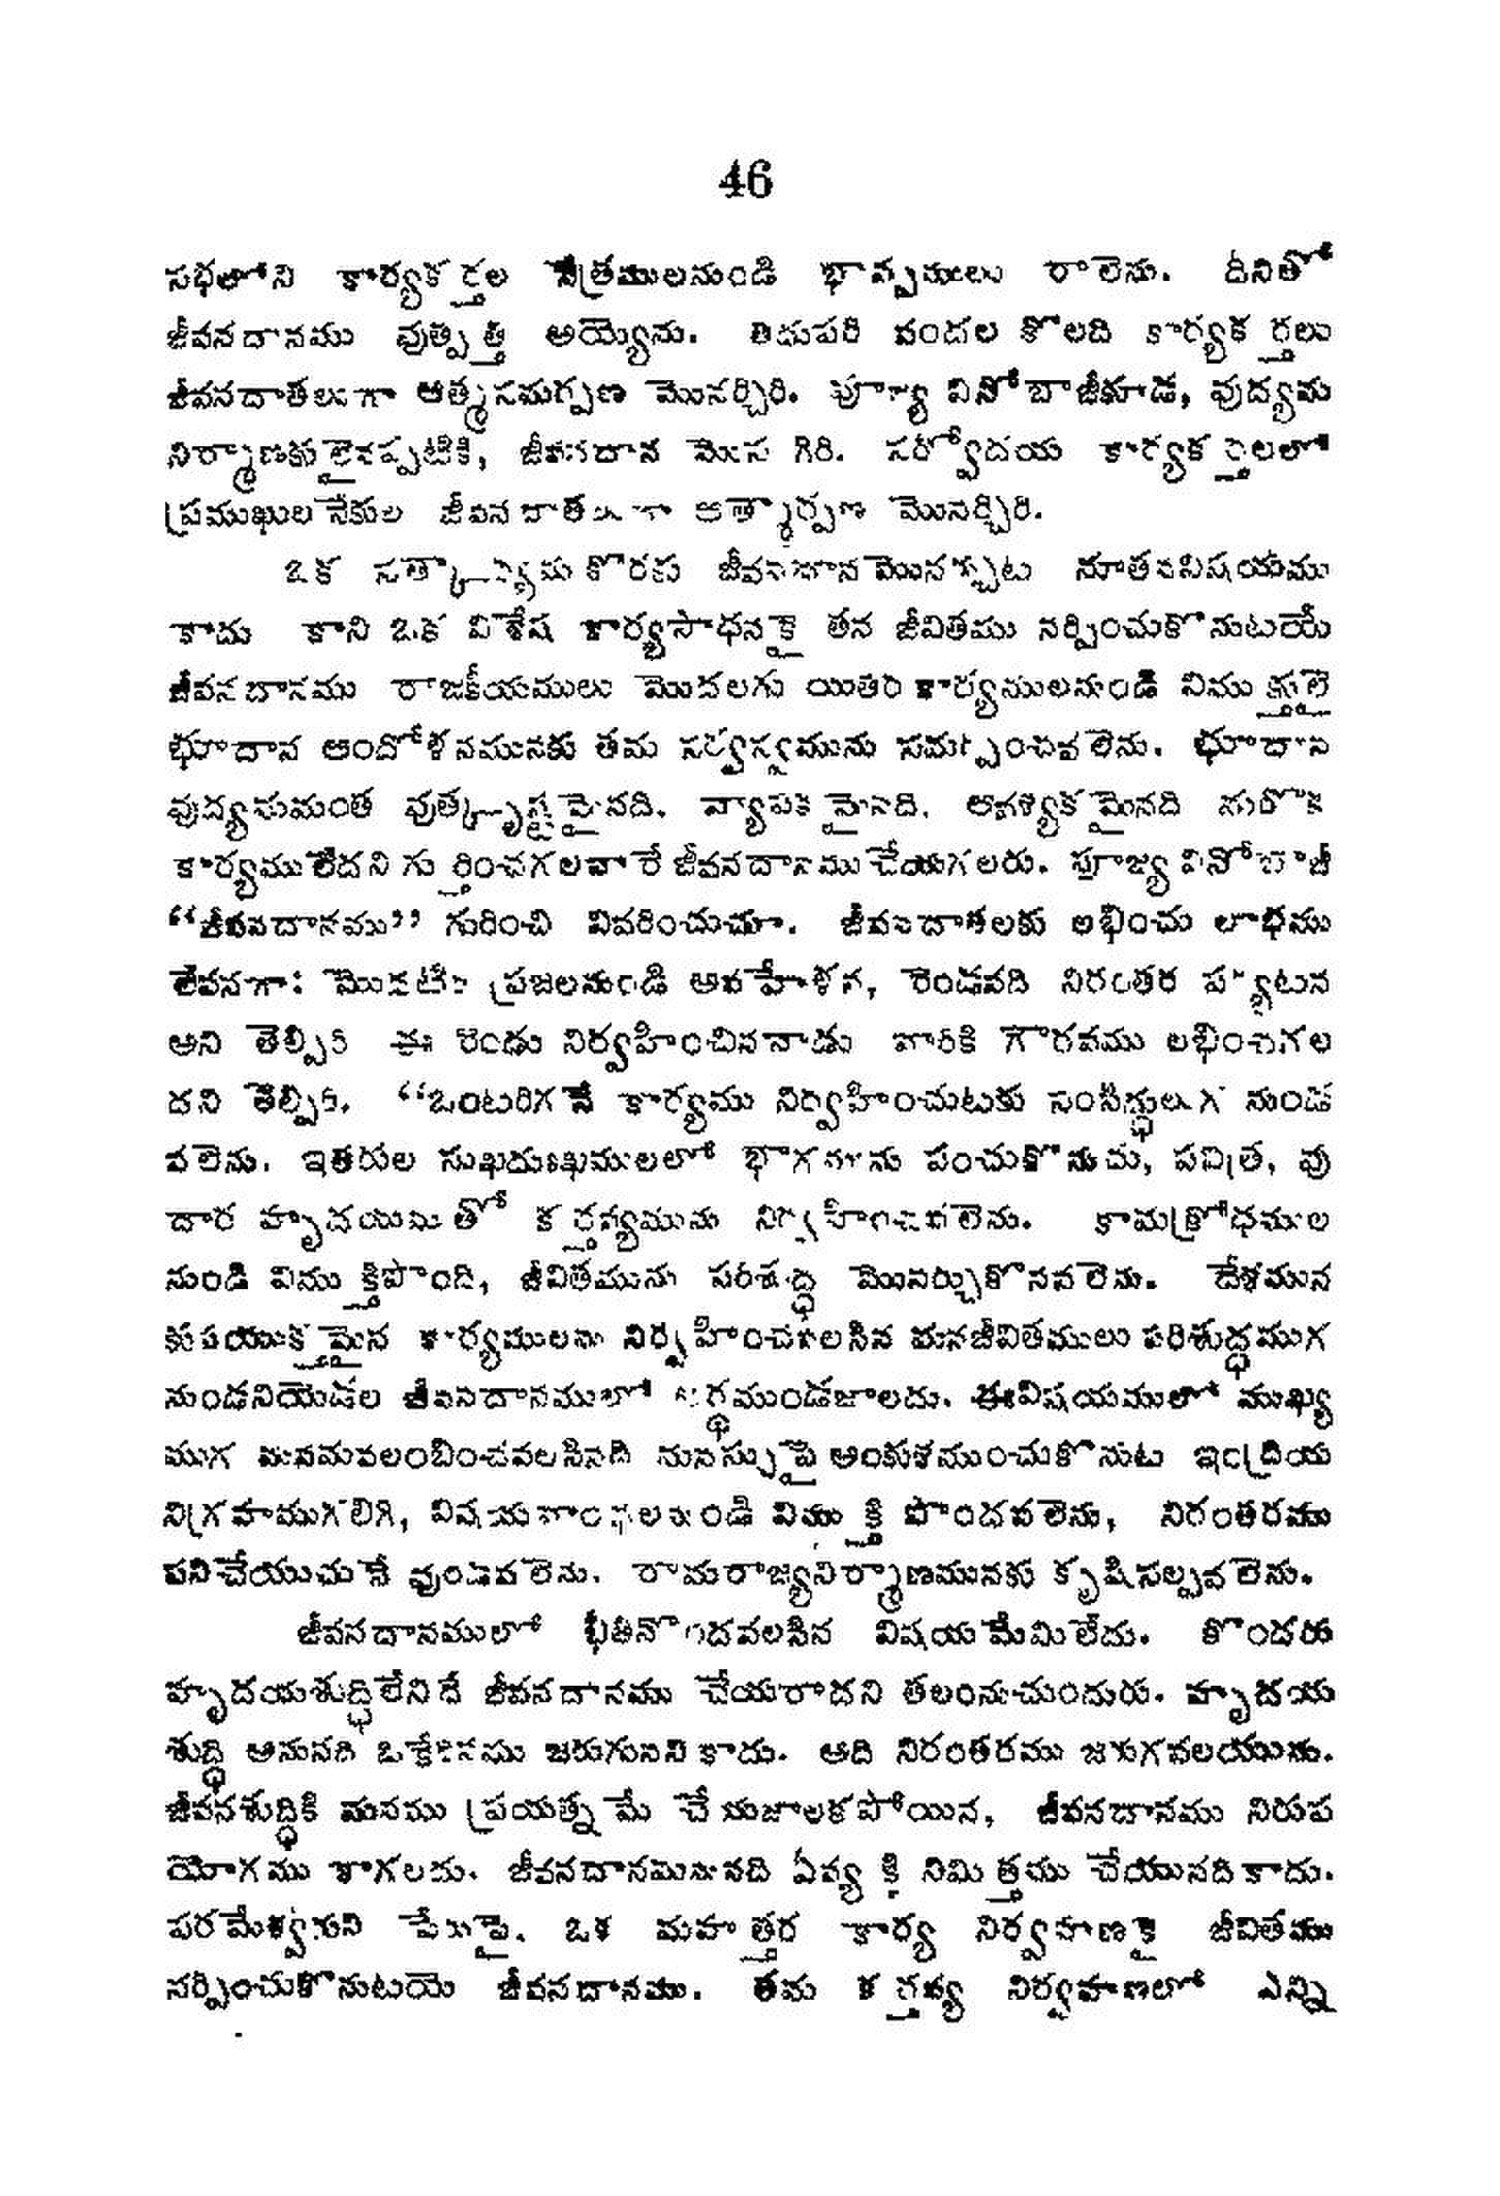సభలోని కార్యకర్తల నేత్రములనుండి భాష్పములు రాలెను. దీనితో జీవనదానము వుత్పత్తి అయ్యెను. తదుపరి వందల కొలది కార్యకర్తలు జీవనదాతలుగా ఆత్మసమర్పణ మొనర్చిరి. పూజ్యవినోబాజీగూడ, వుద్యమ నిర్మాణకులైనప్పటికి, జీవదాన మొసగిరి. సర్వోదయ కార్యకర్తలలో ప్రముఖులనేకుల జీవనదాతలుగా ఆత్మార్పణ మొనర్చిరి.

ఒక సత్కార్యము కొరకు జీవనదానమొనర్చుట నూతనవిషయము కాదు కాని ఒక విశేష కార్యసాధనకై తన జీవితము నర్పించుకొనుటయే జీవనదానము రాజకీయములు మొదలగు యితర కార్యములనుండి విముక్తులై భూదాన ఆందోళనమునకు తమ సర్వస్వమును సమర్పించవలెను. భూదాన వుద్యమమంత వుత్కృష్టమైనది. వ్యాపకమైనది, అవశ్యకమైనది మరొక కార్యములేదని గుర్తించగలవారే జీవనదానము చేయగలరు. పూజ్య వినోబాజీ "జీవనదానము" గురించి వివరించుచూ, జీవనదాతలకు లభించు లాభము లేవనగా మొదటిది ప్రజలనుండి అవహేళన, రెండవది నిరంతర పర్యటన అని తెల్పిరి. ఈ రెండు నిర్వహించిననాడు వారికి గౌరవము లభించగలదని తెల్పిరి. "ఒంటరిగనే కార్యము నిర్వహించుటకు సంసిద్ధులుగ నుండవలెను. ఇతరుల సుఖదుఃఖములలో భాగమును పంచుకొనుచు, పవిత్ర, వుదార హృదయముతో కర్తవ్యమును నిర్వహించివలెను. కామక్రోధముల నుండి విముక్తిపొంది, జీవితమును పరిశుద్ధ మొసర్చుకొనవలెను. దేశమున కుపయుక్తమైన కార్యములు నిర్వహించవలసిన మనజీవితములు పరిశుద్దముగ నుండనియెడల జీవనదానములో అర్థముండజాలదు. ఈవిషయములో ముఖ్యముగ మనమవలంబించవలసినది మనస్సుపై అంకుశముంచుకొనుట ఇంద్రియ నిగ్రహముగలిగి, విషయవాంఛలనుండి విముక్తి పొందవలెను. నిరంతరము పనిచేయుచునే వుండవలెను. రామరాజ్యనిర్మాణమునకు కృషిసల్పవలెను.

జీవనదానములో భీతినొందవలసిన విషయమేమిలేదు. కొందరు హృదయశుద్దిలేనిదే జీవనదానము చేయరాదని తలంనుచుందురు. హృదయశుద్ధి అనునది ఒకేదినము జరుగునినికాదు. అది నిరంతరము జరుగవలయును. జీవనశుద్ధికి మనము ప్రయత్నమే చేయజాలకపోయిన, జీవనదానము నిరుపయోగము కాగలదు. జీవనదానమనునది ఏవ్యక్తి నిమిత్తము చేయునదికాదు. పరమేశ్వరుని పేరుపై, ఒక మహత్తర కార్య నిర్వహణకై జీవితము నర్పించుకొనుటయే జీవనదానము. తమ కర్తవ్య నిర్వహణలో ఎన్ని
9.